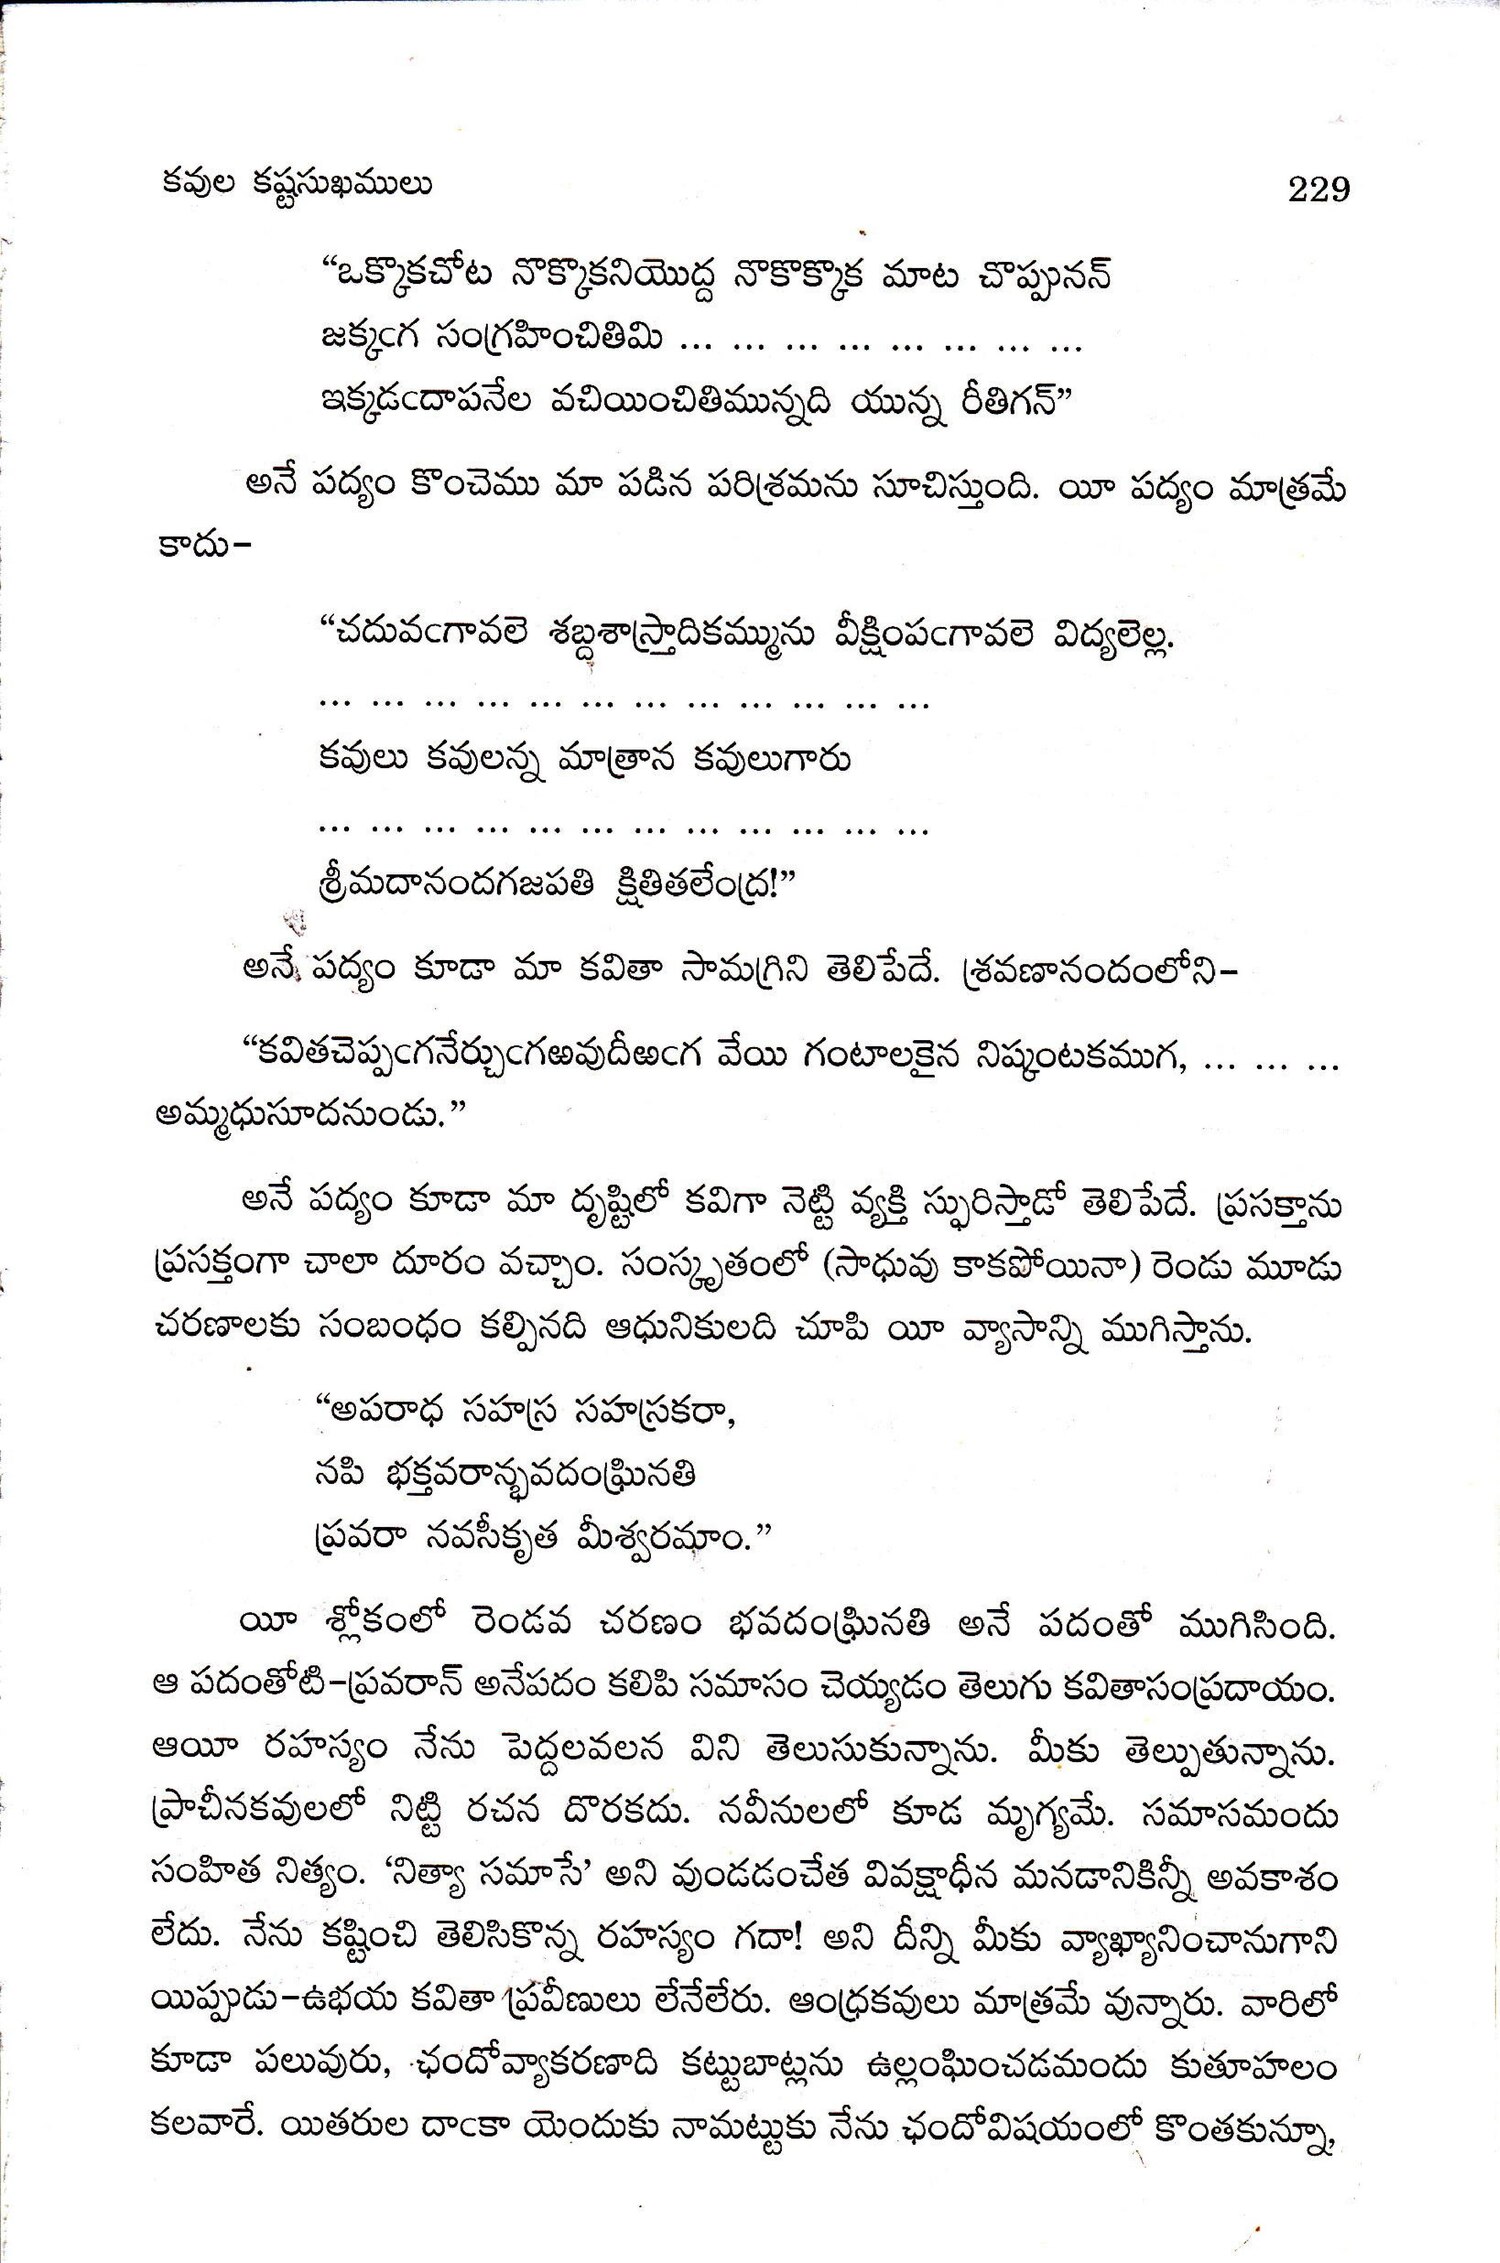“ఒక్కొకచోట నొక్కొకనియొద్ద నొకొక్కొక మాట చొప్పునన్ 
 జక్కఁగ సంగ్రహించితిమి ... ... ... ... ... ... ... ... 
 ఇక్కడఁదాపనేల వచియించితిమున్నది యున్న రీతిగన్"

అనే పద్యం కొంచెము మా పడిన పరిశ్రమను సూచిస్తుంది. యీ పద్యం మాత్రమే కాదు-

"చదువఁగావలె శబ్దశాస్త్రాతాదికమ్మును వీక్షింపఁగావలె విద్యలెల్ల,
 ..............................................................................
 కవులు కవులన్న మాత్రాన కవులుగారు
 ....................................................................
 శ్రీమదానందగజపతి క్షితితలేంద్ర!" 

అనే, పద్యం కూడా మా కవితా సామగ్రిని తెలిపేదే. శ్రవణానందంలోని-

“కవితచెప్పఁగనేర్చుఁగఱవుదీఱఁగ వేయి గంటాలకైన నిష్కంటకముగ, ... ... ... అమ్మధుసూదనుండు."
అనే పద్యం కూడా మా దృష్టిలో కవిగా నెట్టి వ్యక్తి స్ఫురిస్తాడో తెలిపేదే. ప్రసక్తాను ప్రసక్తంగా చాలా దూరం వచ్చాం. సంస్కృతంలో (సాధువు కాకపోయినా) రెండు మూడు చరణాలకు సంబంధం కల్పినది ఆధునికులది చూపి యీ వ్యాసాన్ని ముగిస్తాను.

“అపరాధ సహస్ర సహస్రకరా, 
 నపి భక్తవరాన్భవదంఫ్రిునతి 
 ప్రవరా నవసీకృత మీశ్వరమాం.”
యీ శ్లోకంలో రెండవ చరణం భవదంఫ్రిునతి అనే పదంతో ముగిసింది. ఆ పదంతోటి-ప్రవరాన్ అనేపదం కలిపి సమాసం చెయ్యడం తెలుగు కవితాసంప్రదాయం. ఆయీ రహస్యం నేను పెద్దలవలన విని తెలుసుకున్నాను. మీకు తెల్పుతున్నాను. ప్రాచీనకవులలో నిట్టి రచన దొరకదు. నవీనులలో కూడ మృగ్యమే. సమాసమందు సంహిత నిత్యం. నిత్యా సమాసే' అని వుండడంచేత వివక్షాధీన మనడానికిన్నీ అవకాశం లేదు. నేను కష్టించి తెలిసికొన్న రహస్యం గదా! అని దీన్ని మీకు వ్యాఖ్యానించానుగాని యిప్పుడు-ఉభయ కవితా ప్రవీణులు లేనేలేరు. ఆంధ్రకవులు మాత్రమే వున్నారు. వారిలో కూడా పలువురు, ఛందోవ్యాకరణాది కట్టుబాట్లను ఉల్లంఘించడమందు కుతూహలం కలవారే, యితరుల దాఁకా యెందుకు నామట్టుకు నేను ఛందోవిషయంలో కొంతకున్నూ